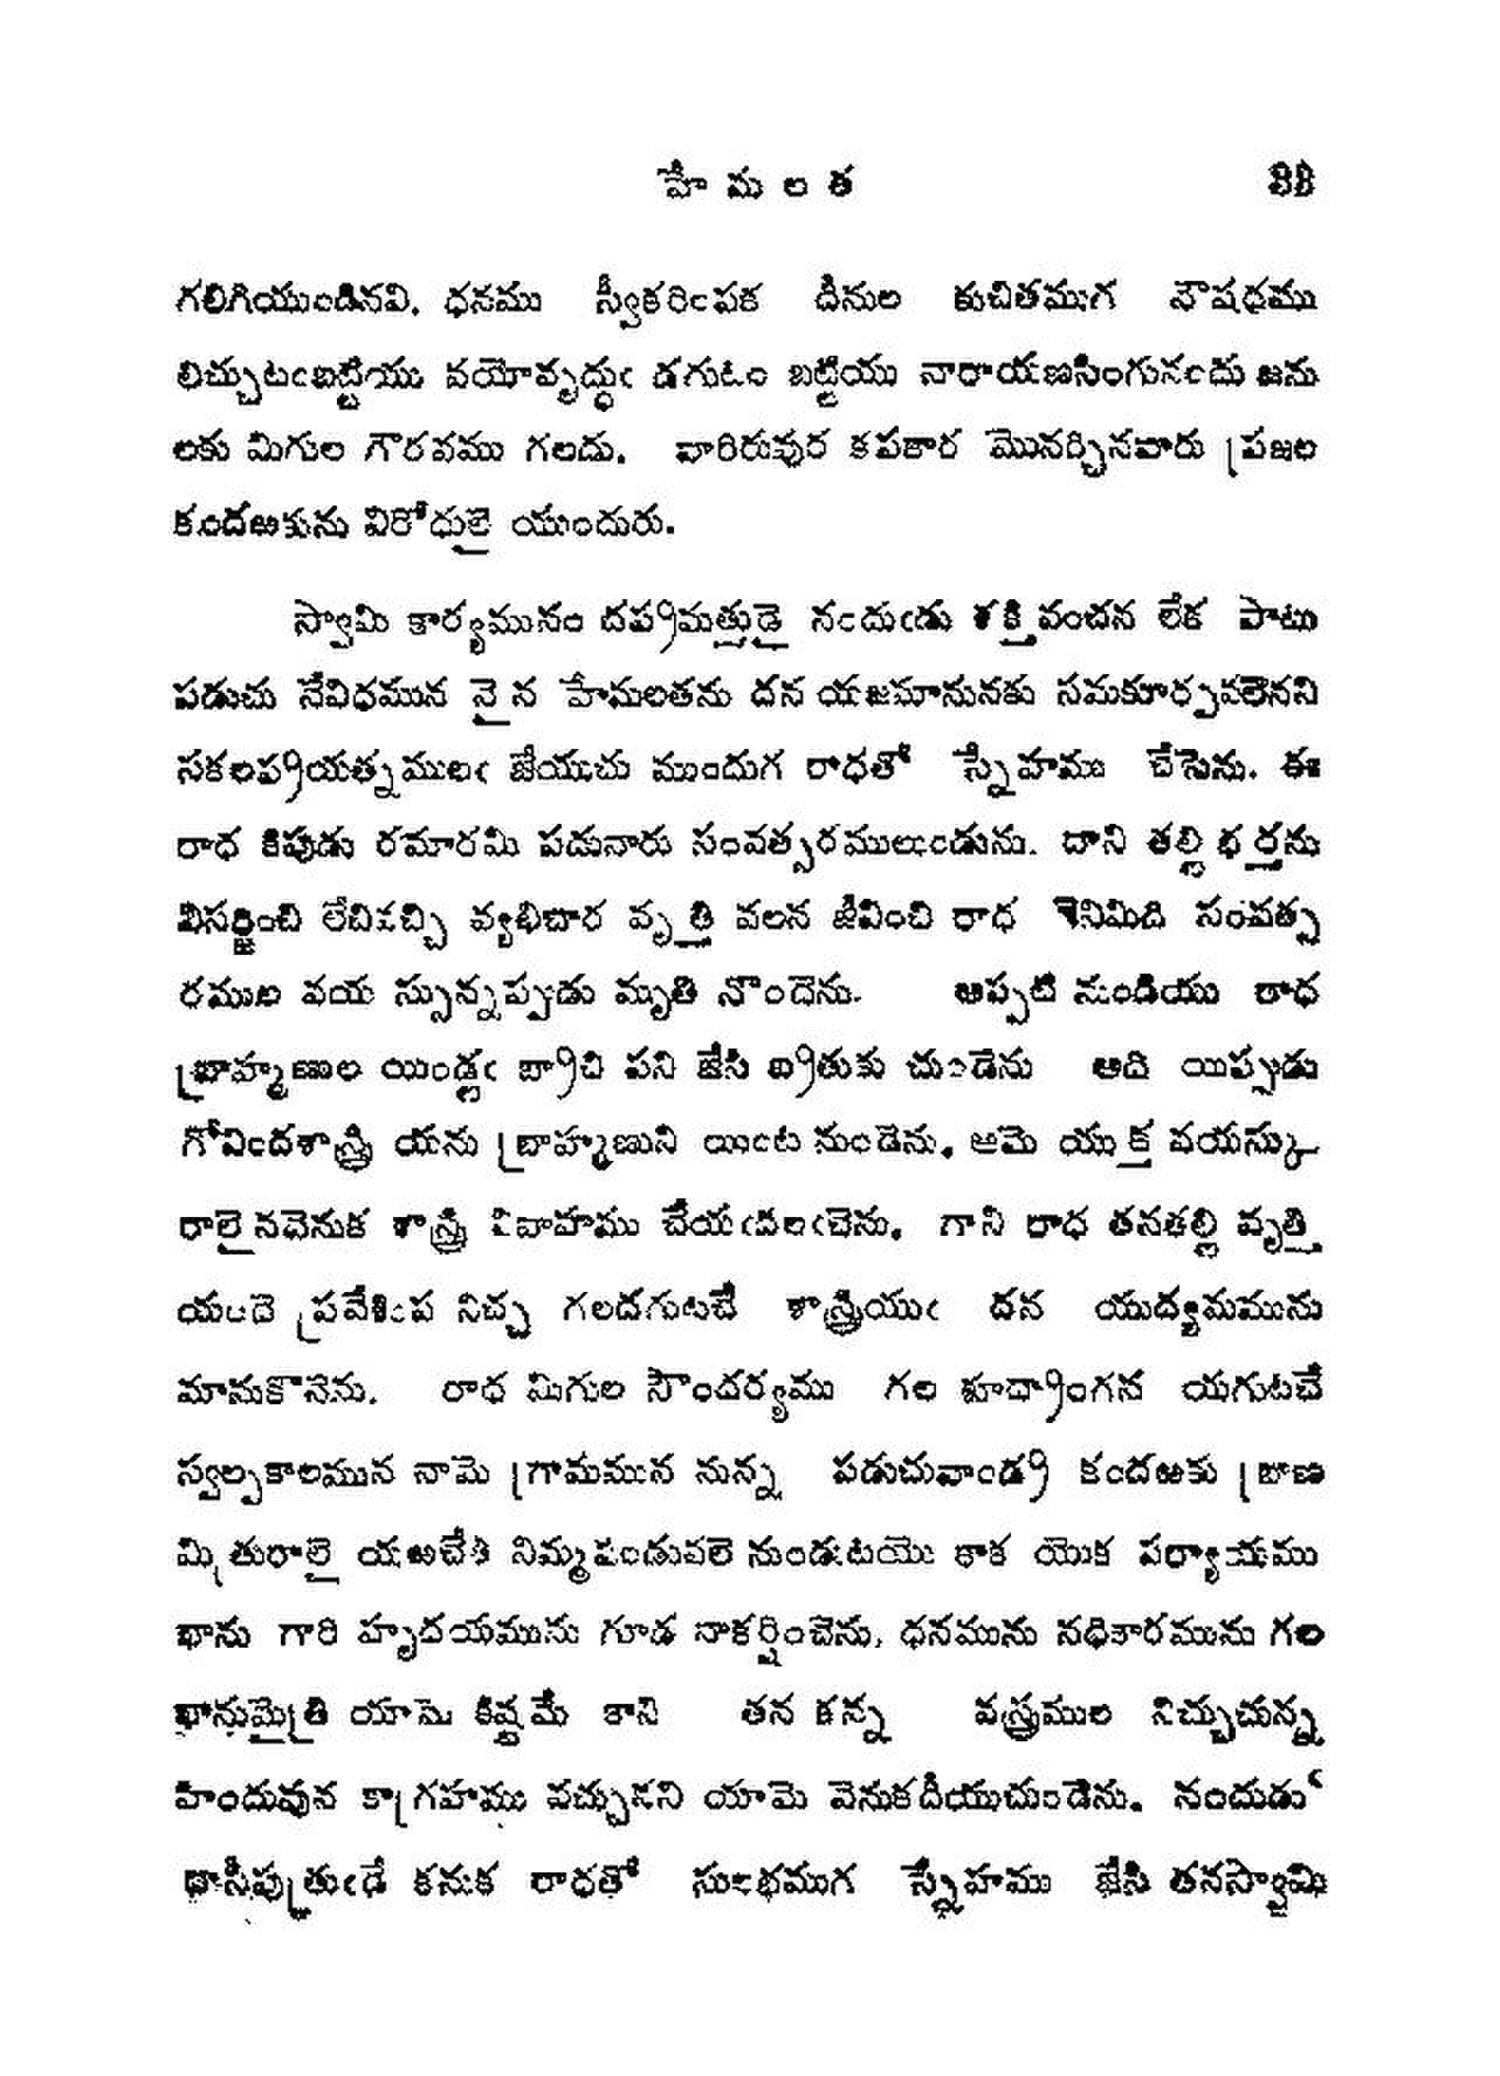గలిగియుండినవి. ధనము స్వీకరింపక దీనుల కుచితముగ నౌషధము లిచ్చుటఁ బట్టియు వయోవృద్ధుఁ డగుటం బట్టియు నారాయణసింగునందు జనులకు మిగుల గౌరవము గలదు. వారిరువుర కపకార మొనర్చినవారు ప్రజల కందఱకును విరోధులై యుందురు.

స్వామి కార్యమునం దప్రమత్తుడై నందుఁడు శక్తి వంచన లేక పాటు పడుచు నేవిధమున నైన హేమలతను దన యజమానునకు సమకూర్చవలెనని సకలప్రయత్నములఁ జేయుచు ముందుగ రాధతో స్నేహము చేసెను. ఈ రాధ కిపుడు రమారమి పదునారు సంవత్సరములుండును. దాని తల్లి భర్తను విసర్జించి లేచివచ్చి వ్యభిచార వృత్తి వలన జీవించి రాధ ఎనిమిది సంవత్సరముల వయస్సున్నప్పుడు మృతి నొందెను. అప్పటి నుండియు రాధ బ్రాహ్మణుల యిండ్లఁ బాచి పని జేసి బ్రతుకు చుండెను. అది యిప్పుడు గోవిందశాస్త్రి యను బ్రాహ్మణుని యింట నుండెను. ఆమె యుక్త వయస్కురాలైనవెనుక శాస్త్రి వివాహము చేయఁదలఁచెను. గాని రాధ తనతల్లి వృత్తి యందె ప్రవేశింప నిచ్చ గలదగుటచే శాస్త్రియుఁ దన యుద్యమమును మానుకొనెను. రాధ మిగుల సౌందర్యము గల శూద్రాంగన యగుటచే స్వల్ప కాలమున నామె గ్రామమున నున్న పడుచువాండ్ర కందఱకు బ్రాణ మిత్రురాలై యఱచేతి నిమ్మపండువలె నుండుటయే కాక యొక పర్యాయము
ఖాను గారి హృదయమును గూడ నాకర్షించెను. ధనమును నధికారమును గల ఖానుమైత్రి యామె కిష్టమే కాని తనకన్న వస్త్రముల నిచ్చుచున్న హిందువున కాగ్రహము వచ్చునని యామె వెనుక దీయుచుండెను. నందుడు దాసీపుత్రుఁడే కనుక రాధతో సులభముగ స్నేహము జేసి తనస్వామి